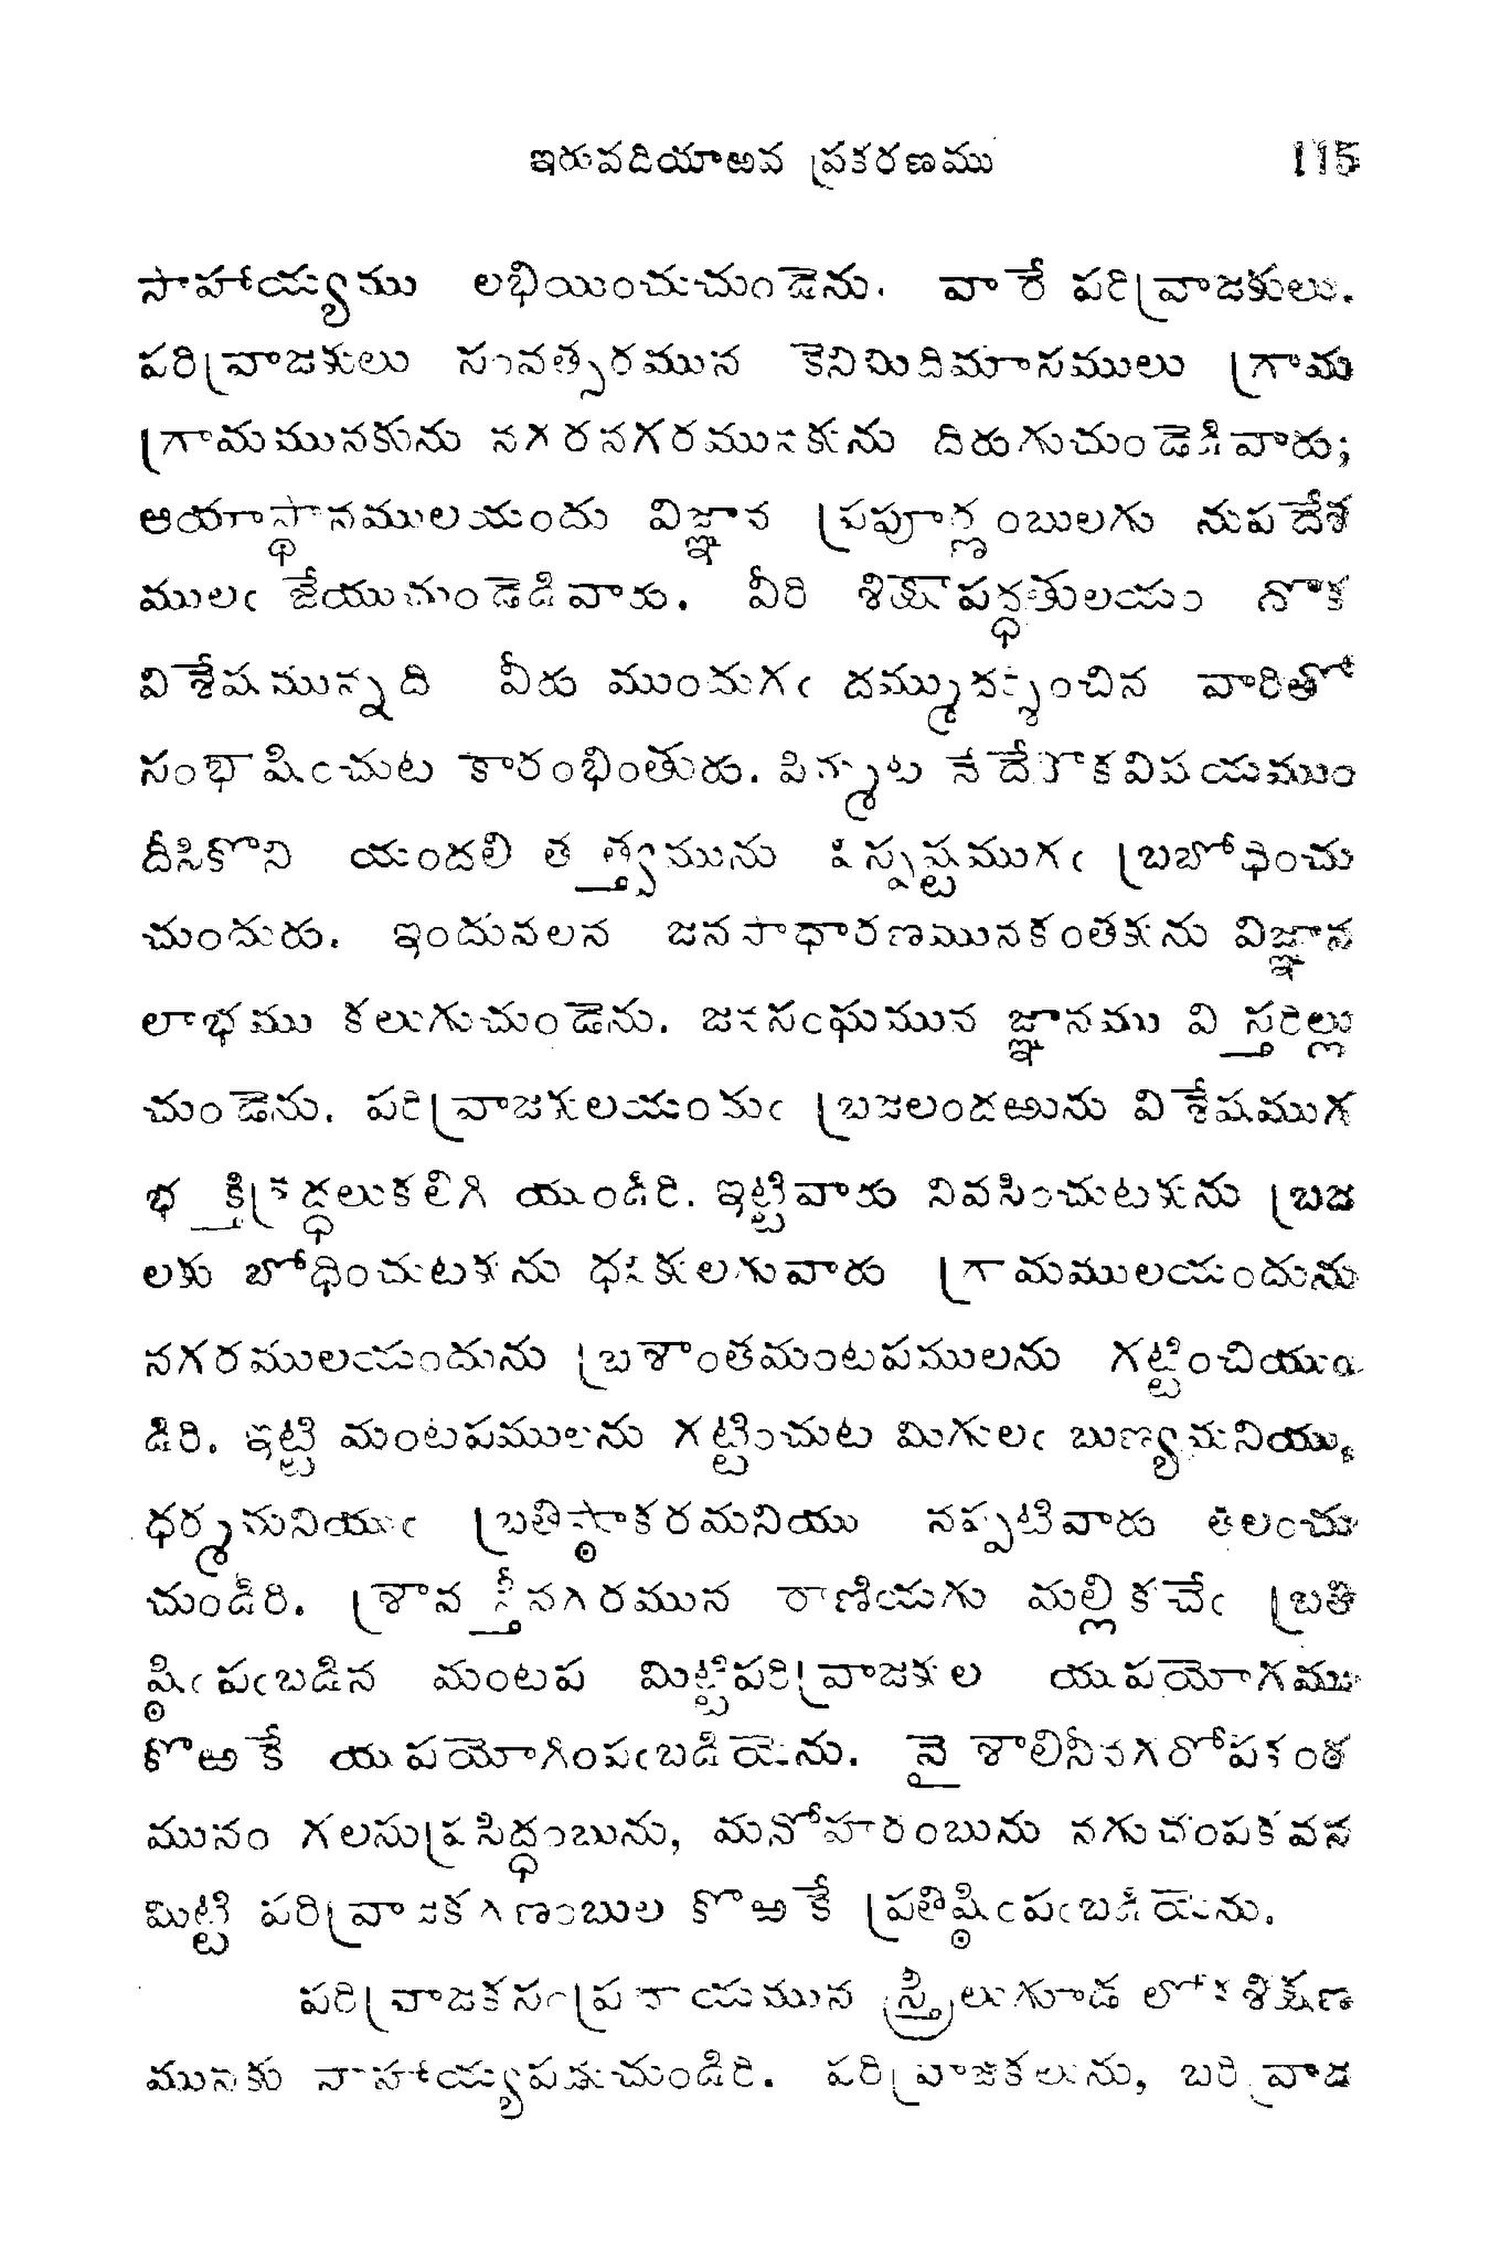సాహాయ్యము లభియించుచుండెను. వారే పరివ్రాజకులు, పరివ్రాజకులు సంవత్సరమున కెనిమిదిమాసములు గ్రామ గ్రామమునకును నగర నగరమునకును దిరుగుచుండెడివారు;
ఆయా స్థానముల యందు విజ్ఞాన ప్రపూర్ణంబులగు నుప దేశములఁ జేయు చుండెడి వారు. వీరి శిక్షా పద్ధతులయం దోక విశేషమున్నది. వీరు ముందుగఁ దమ్ము దర్శీంచిన వారితో సంభాషించుట కారంభింతురు. పిమ్మట నే దేనోక విషయముం దీసికొని యందలి తత్త్వమును విస్పష్టముగఁ బ్రబోధించు చుందురు. ఇందువలన జన సాధారణమునకంతకును విజ్ఞాన
లాభము కలుగుచుండెను. జనసంఘమున జ్ఞానము విస్తరిల్లు చుండెను. పరివ్రాజగులయందుఁ బ్రజలందఱును విశేషముగ భక్తిశ్రద్ధలు కలిగి యుండిరి. ఇట్టి వారు నివసించుటకును బ్రజ
లకు బోధించుటకు ను ధనికులగువారు గ్రామములయందును నగరములయందును బ్రశాంతమంటపములను గట్టించియుండిరి. ఇట్టి మంటపములను గట్టించుట మిగులఁ బుణ్యమనియు, ధర్మమనియఁ బ్రతిష్టాకరమనియు నప్పటివాడు తలంచుచుండిరి. శ్రావ స్తీనగరమున రాణియగు మల్లి కచేఁ బ్రతిష్టిఁపఁబడిన మంటప మిట్టి పరివ్రాజక ల యుపయోగము కోఱకే యుపయోగింపఁబడియెను. వైశాలినీ నగరోపకంఠమునం గల సుప్రసిద్ధంబును, మనోహరంబును నగుచంపక వనమిట్టి పరివ్రాజక గణంబుల కొఱకే ప్రతిష్ఠిఁపఁబడియెను.

పరివ్రాజక సంప్రదాయమున స్త్రీలు గూడ లోక శిక్షణమున కు సాహాయ్యపడుచుండిరి. పరివ్రాజకలును, బరి వ్రాడ